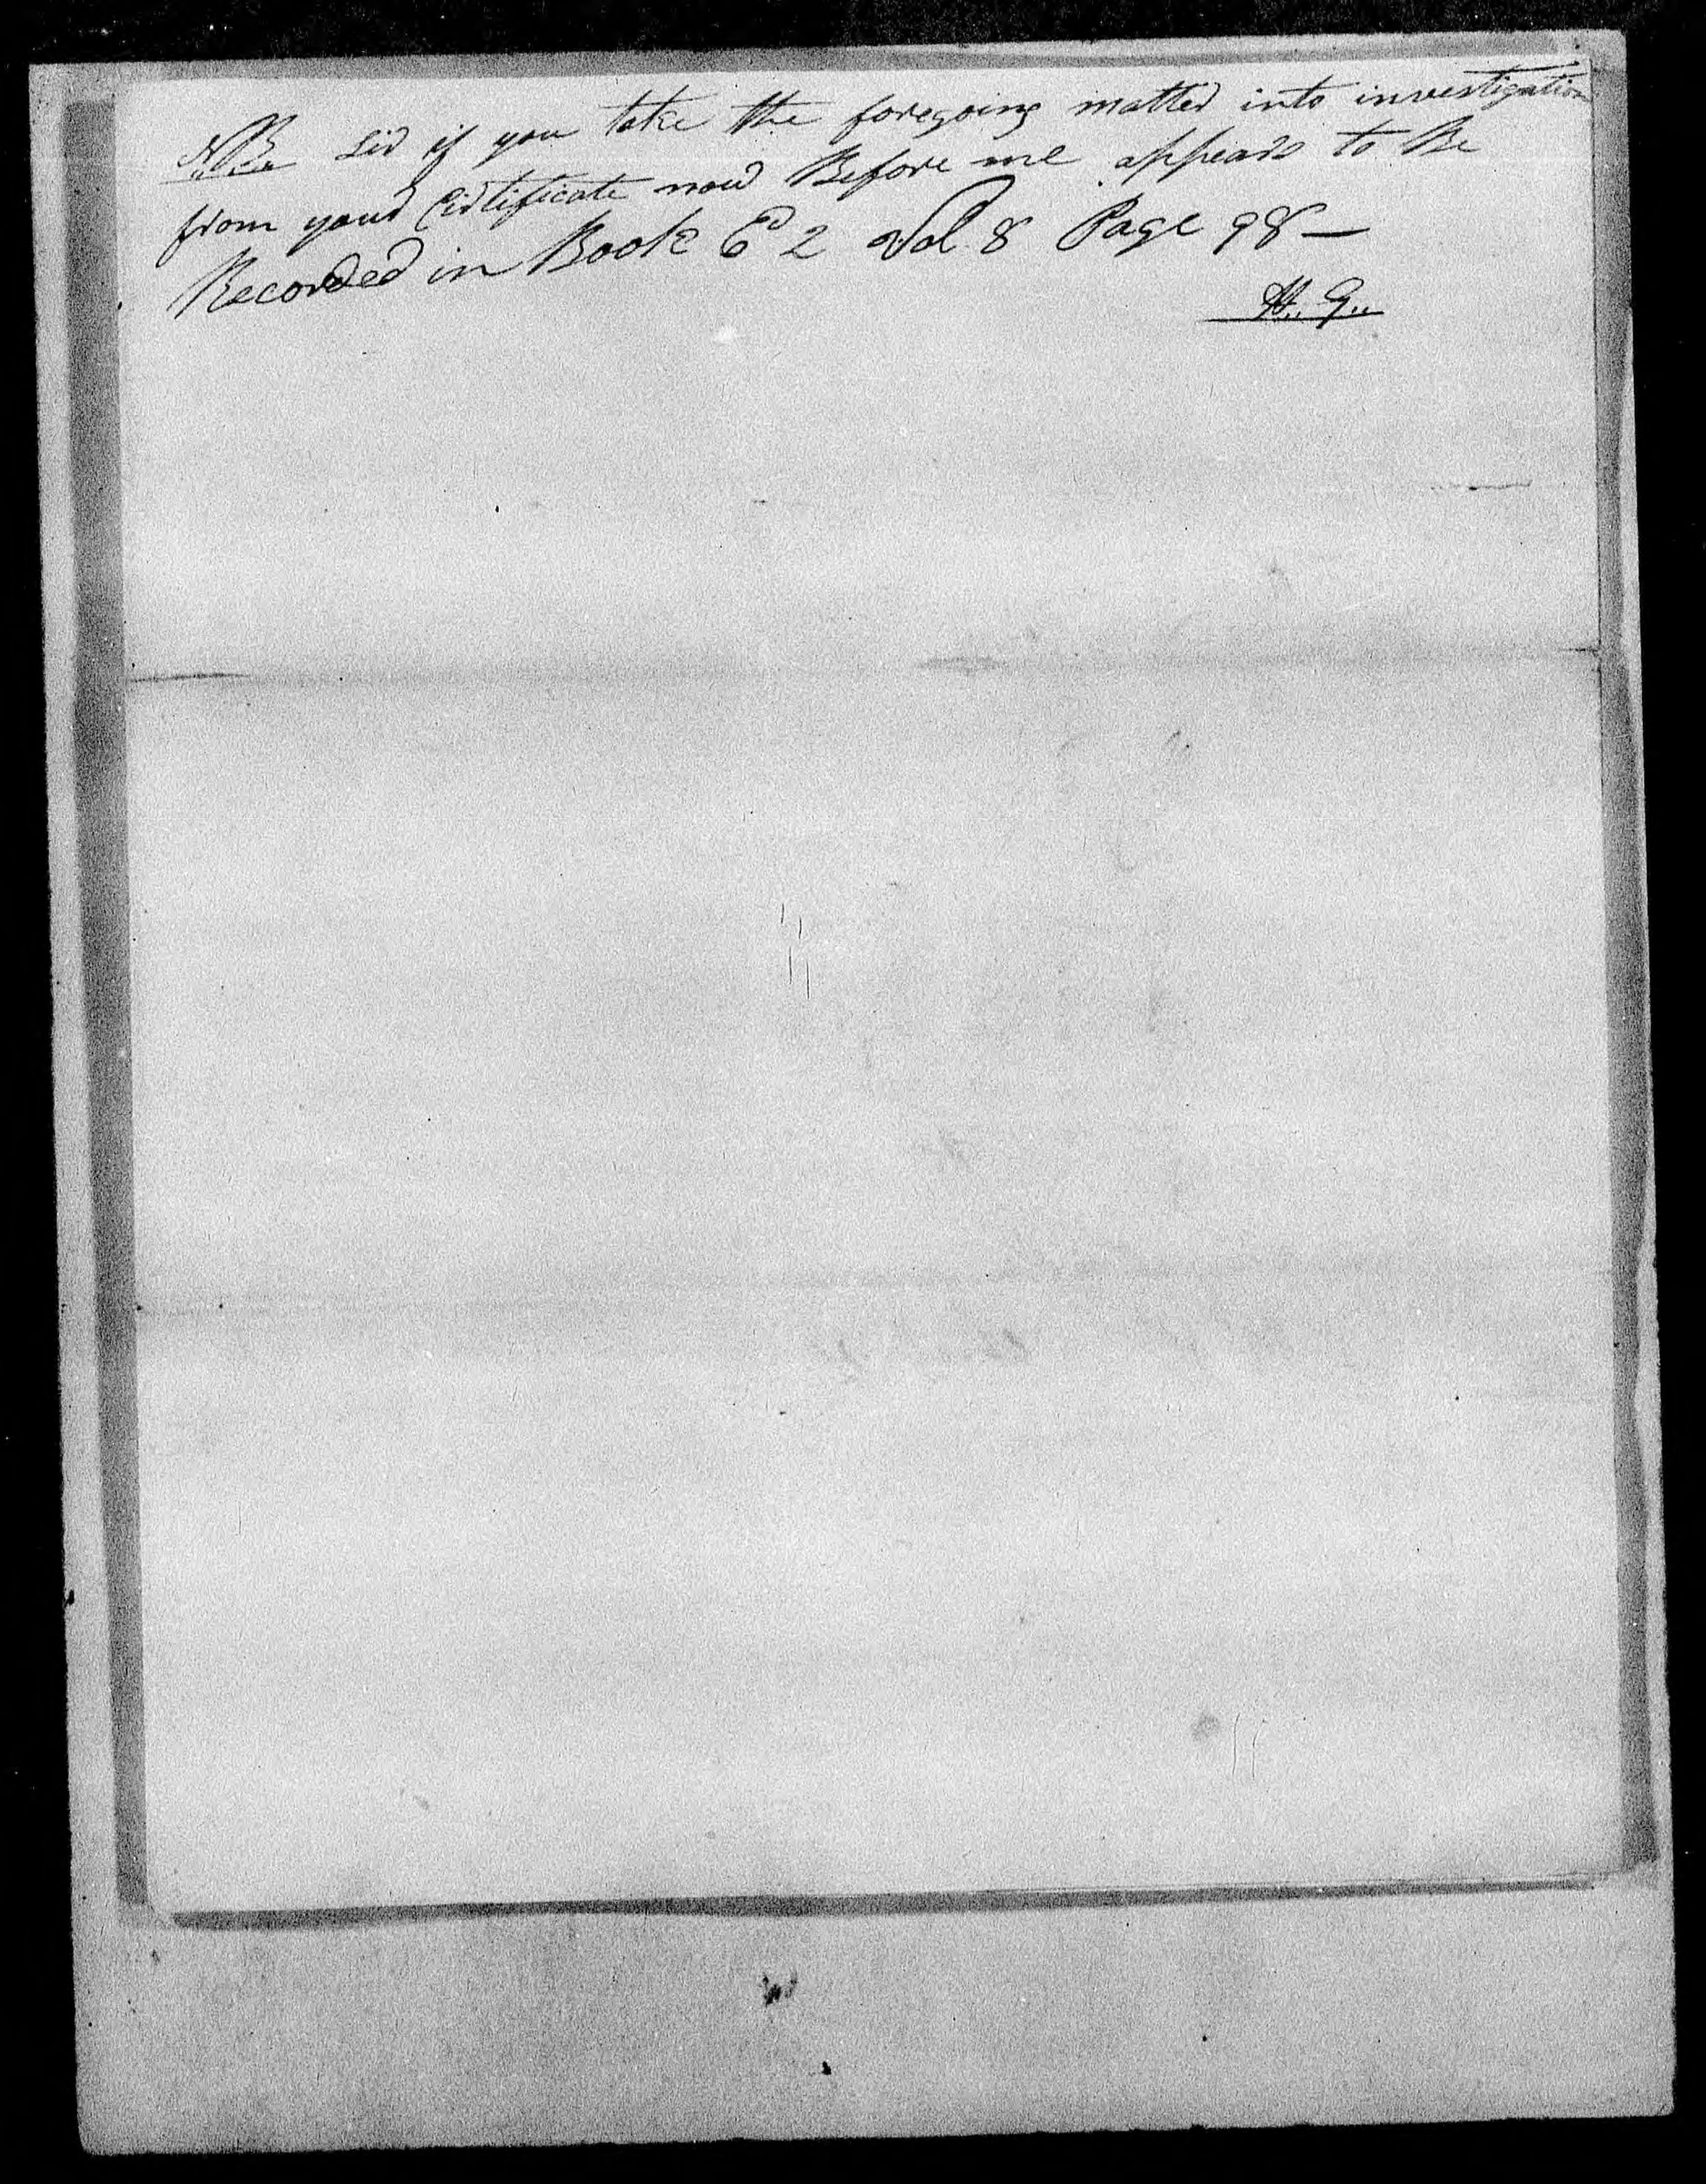N.B.

Sir if you take the foregoing matter into investigation
from your Certificate now before me appears to be recorded in Book E 2 and Vol 8 Page 98-

H. G.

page: 17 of 18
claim: survivor's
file: S. 10,773, Henry Gragg, S.C.